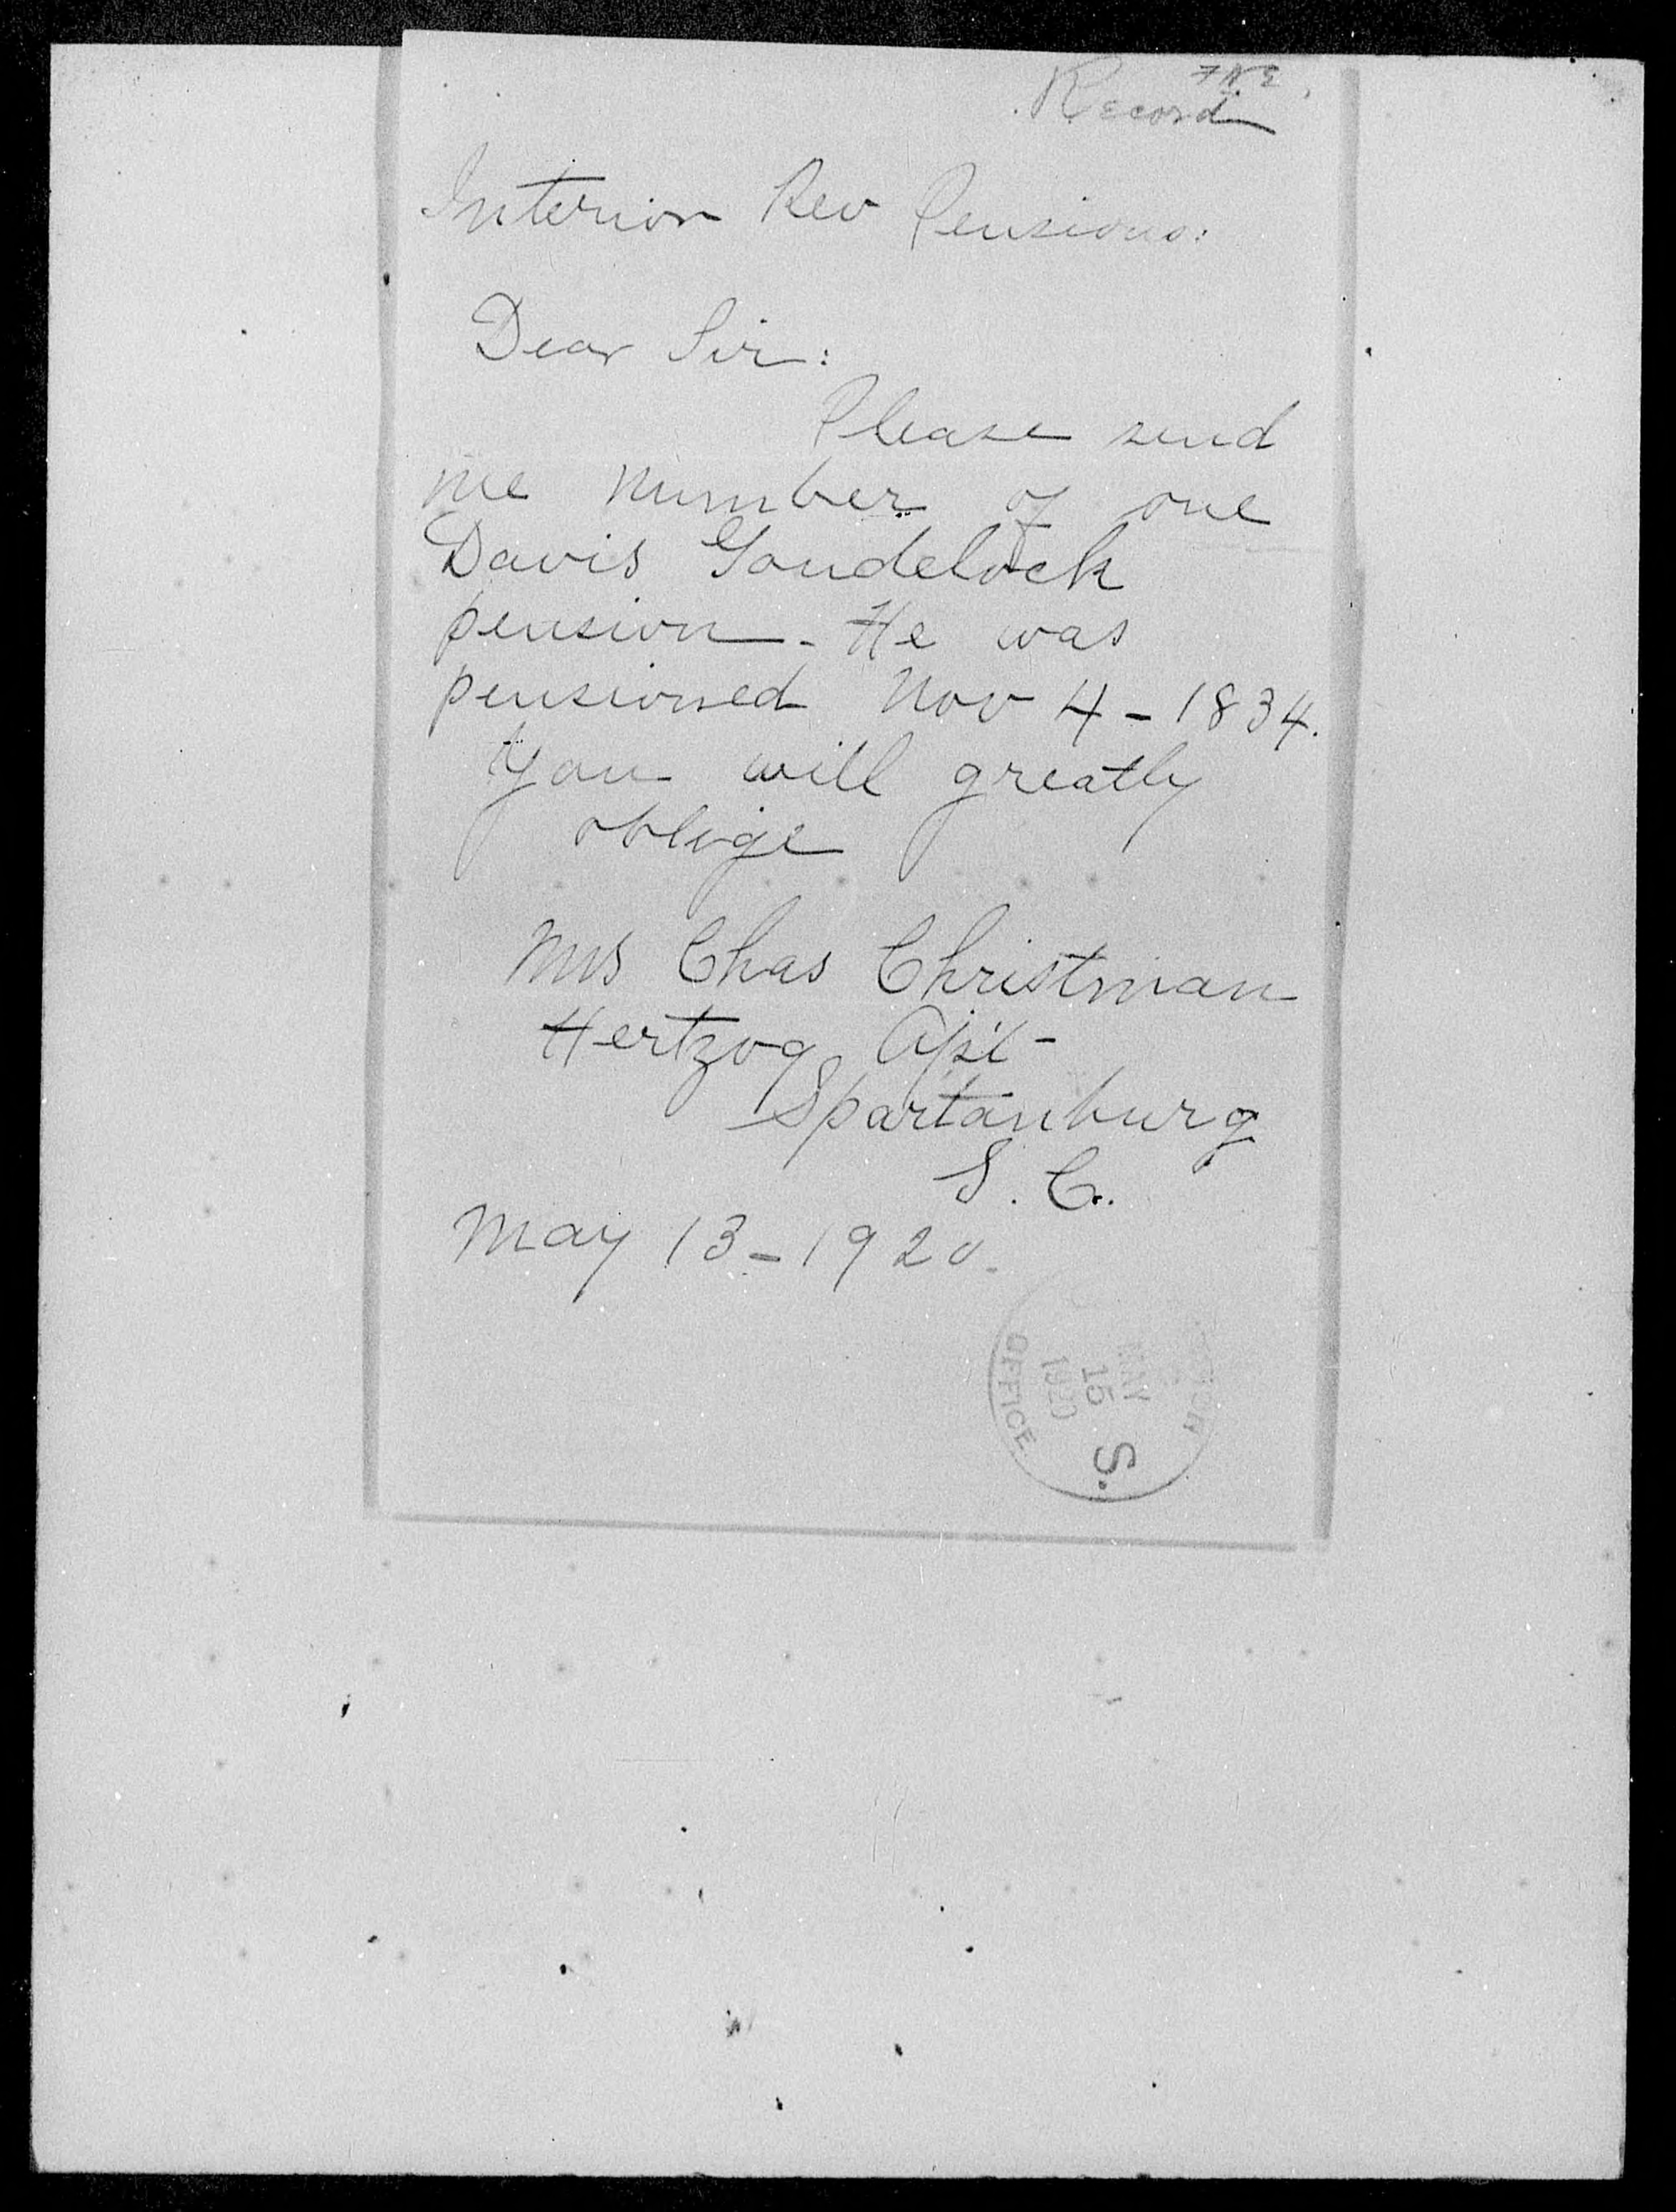7NE
Record
Interior Rev Pensions
Dear Sir:
Please send me number of one Davis Goudelock pension.  He was pensioned Nov 4 - 1834.  You will greatly oblige
Mrs Chas Christman
Hertzog Apt-
Spartanburg
S. C.
May 13- 1920.

PENSION
MAY
U. 15  S.
1920
OFFICE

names: Davis Goudelock, Chas Christman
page: 12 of 18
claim: survivor's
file: S. 21,236, Davis Goudelock, S.C.